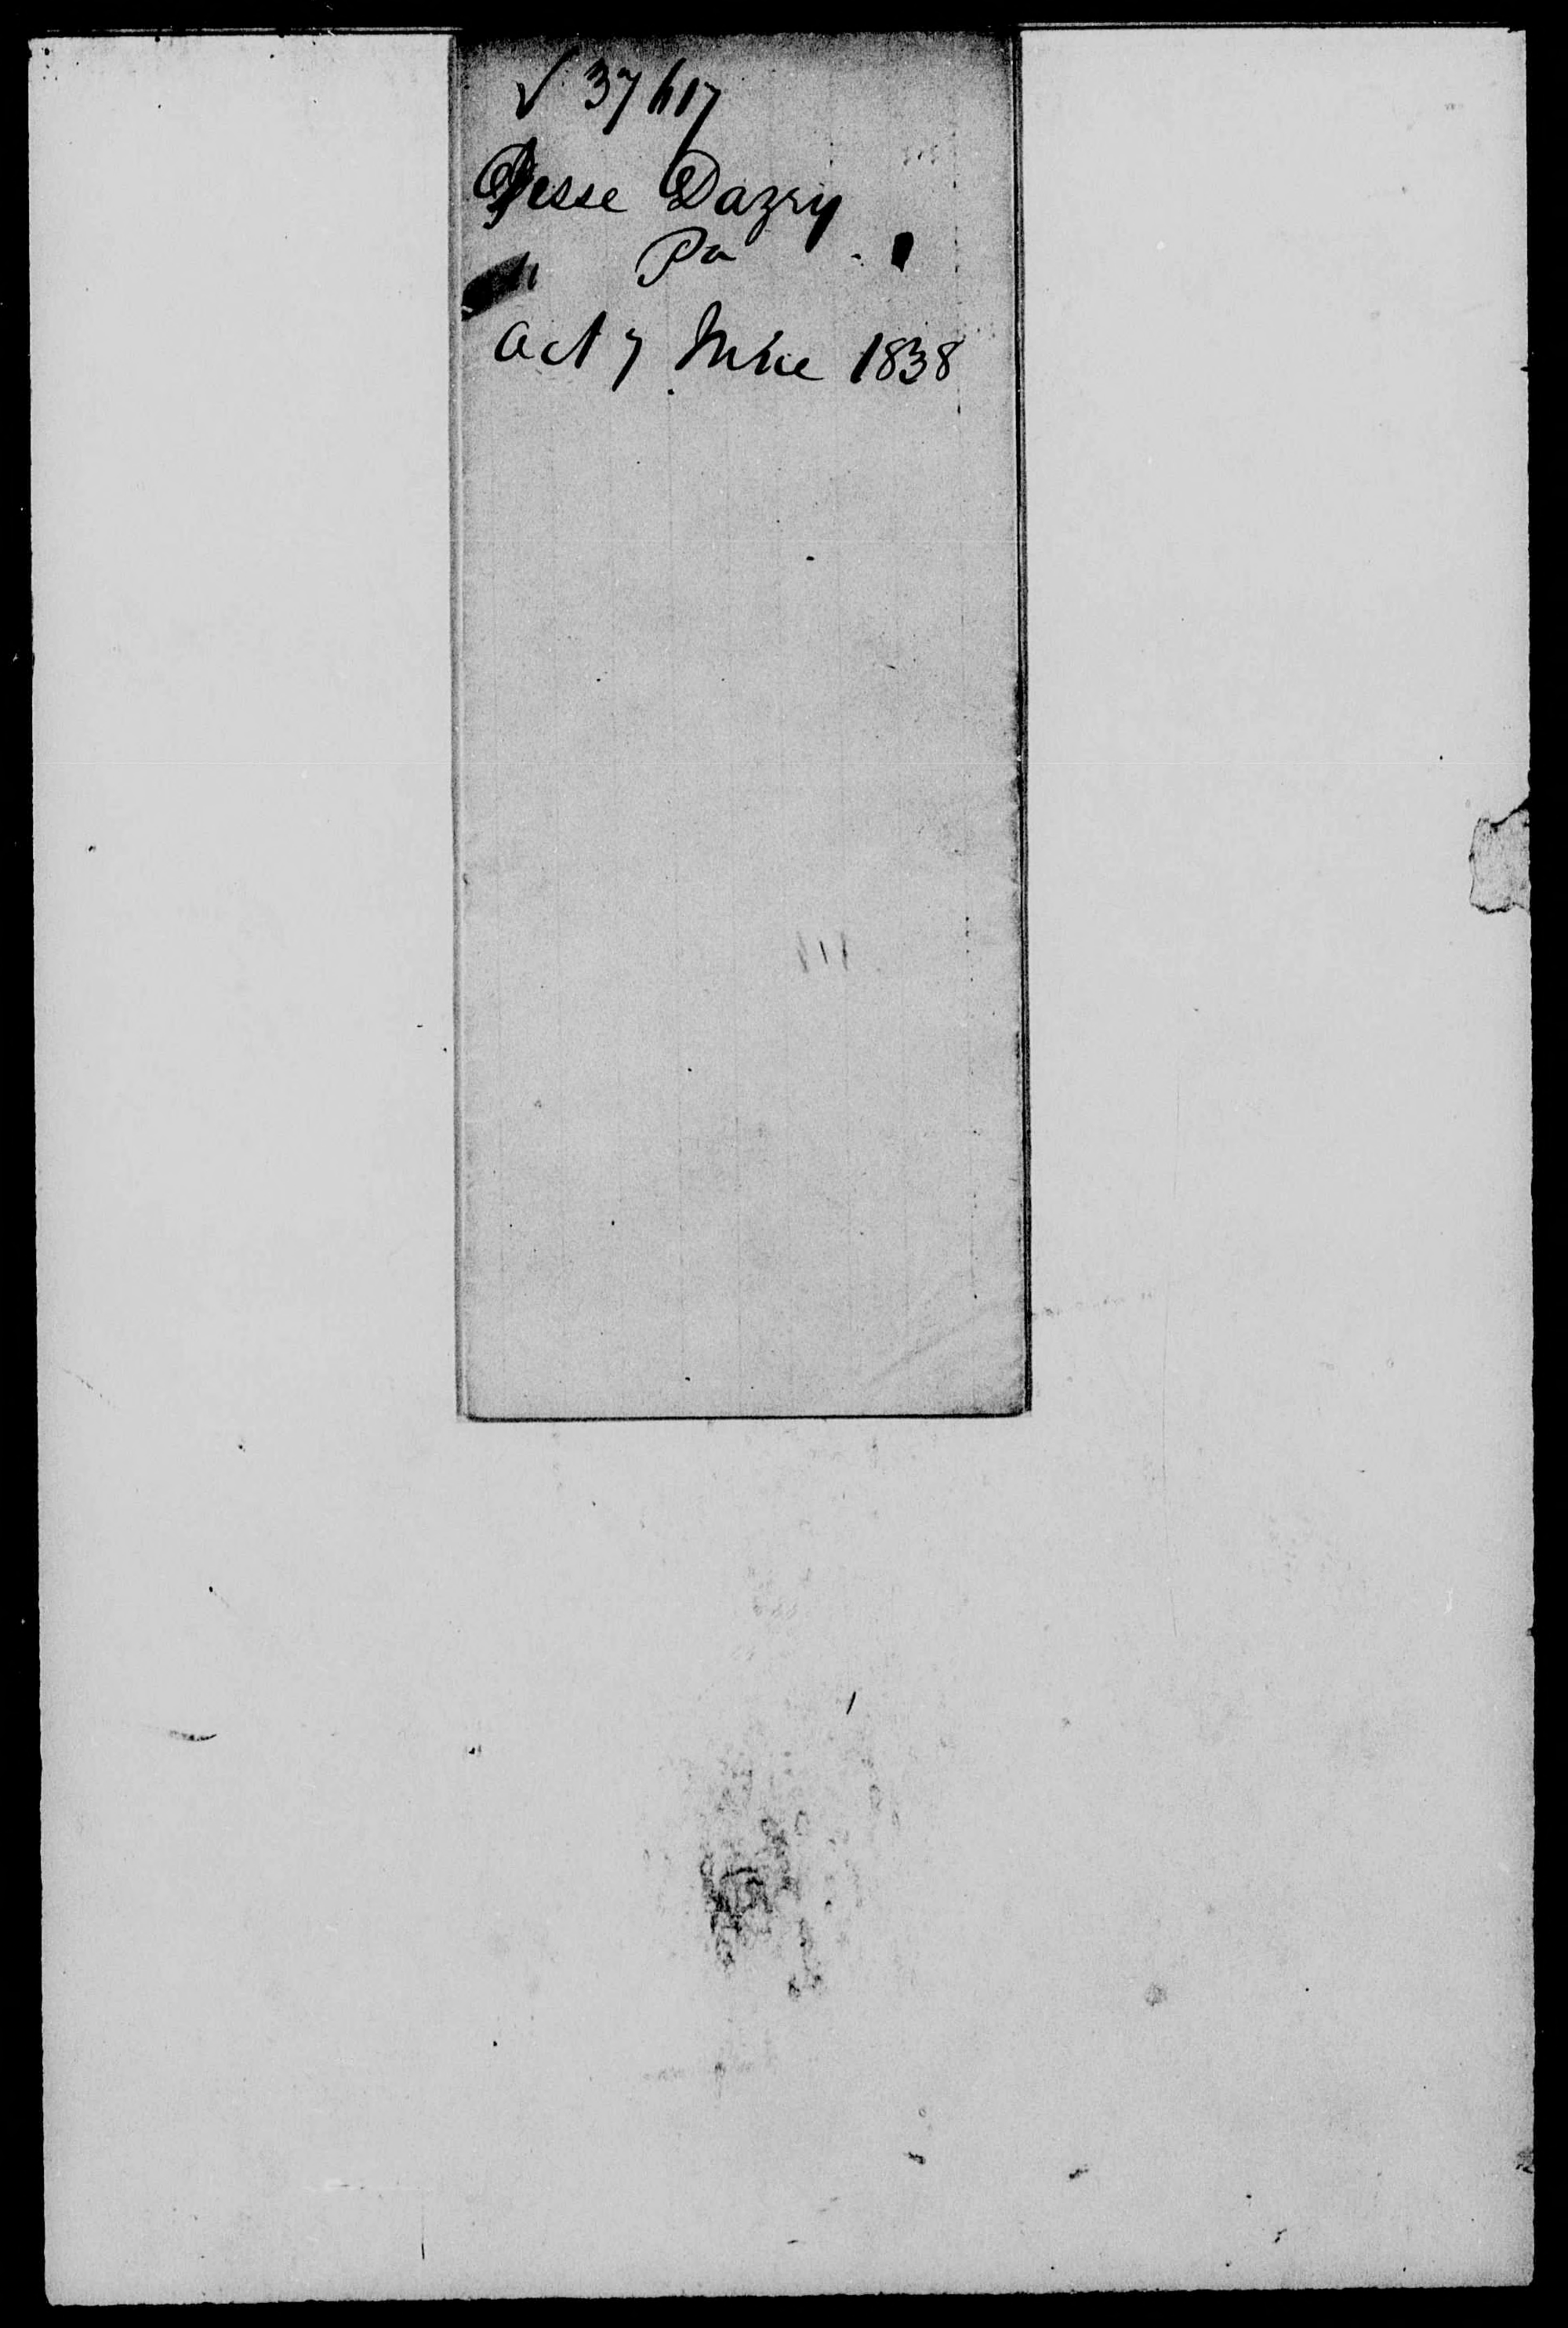37607
Jesse Dazey
Pa
Act 7 June 1838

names: Jesse Dazey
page: 12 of 32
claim: rejected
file: R. 2795, Jesse Dazey, Del.